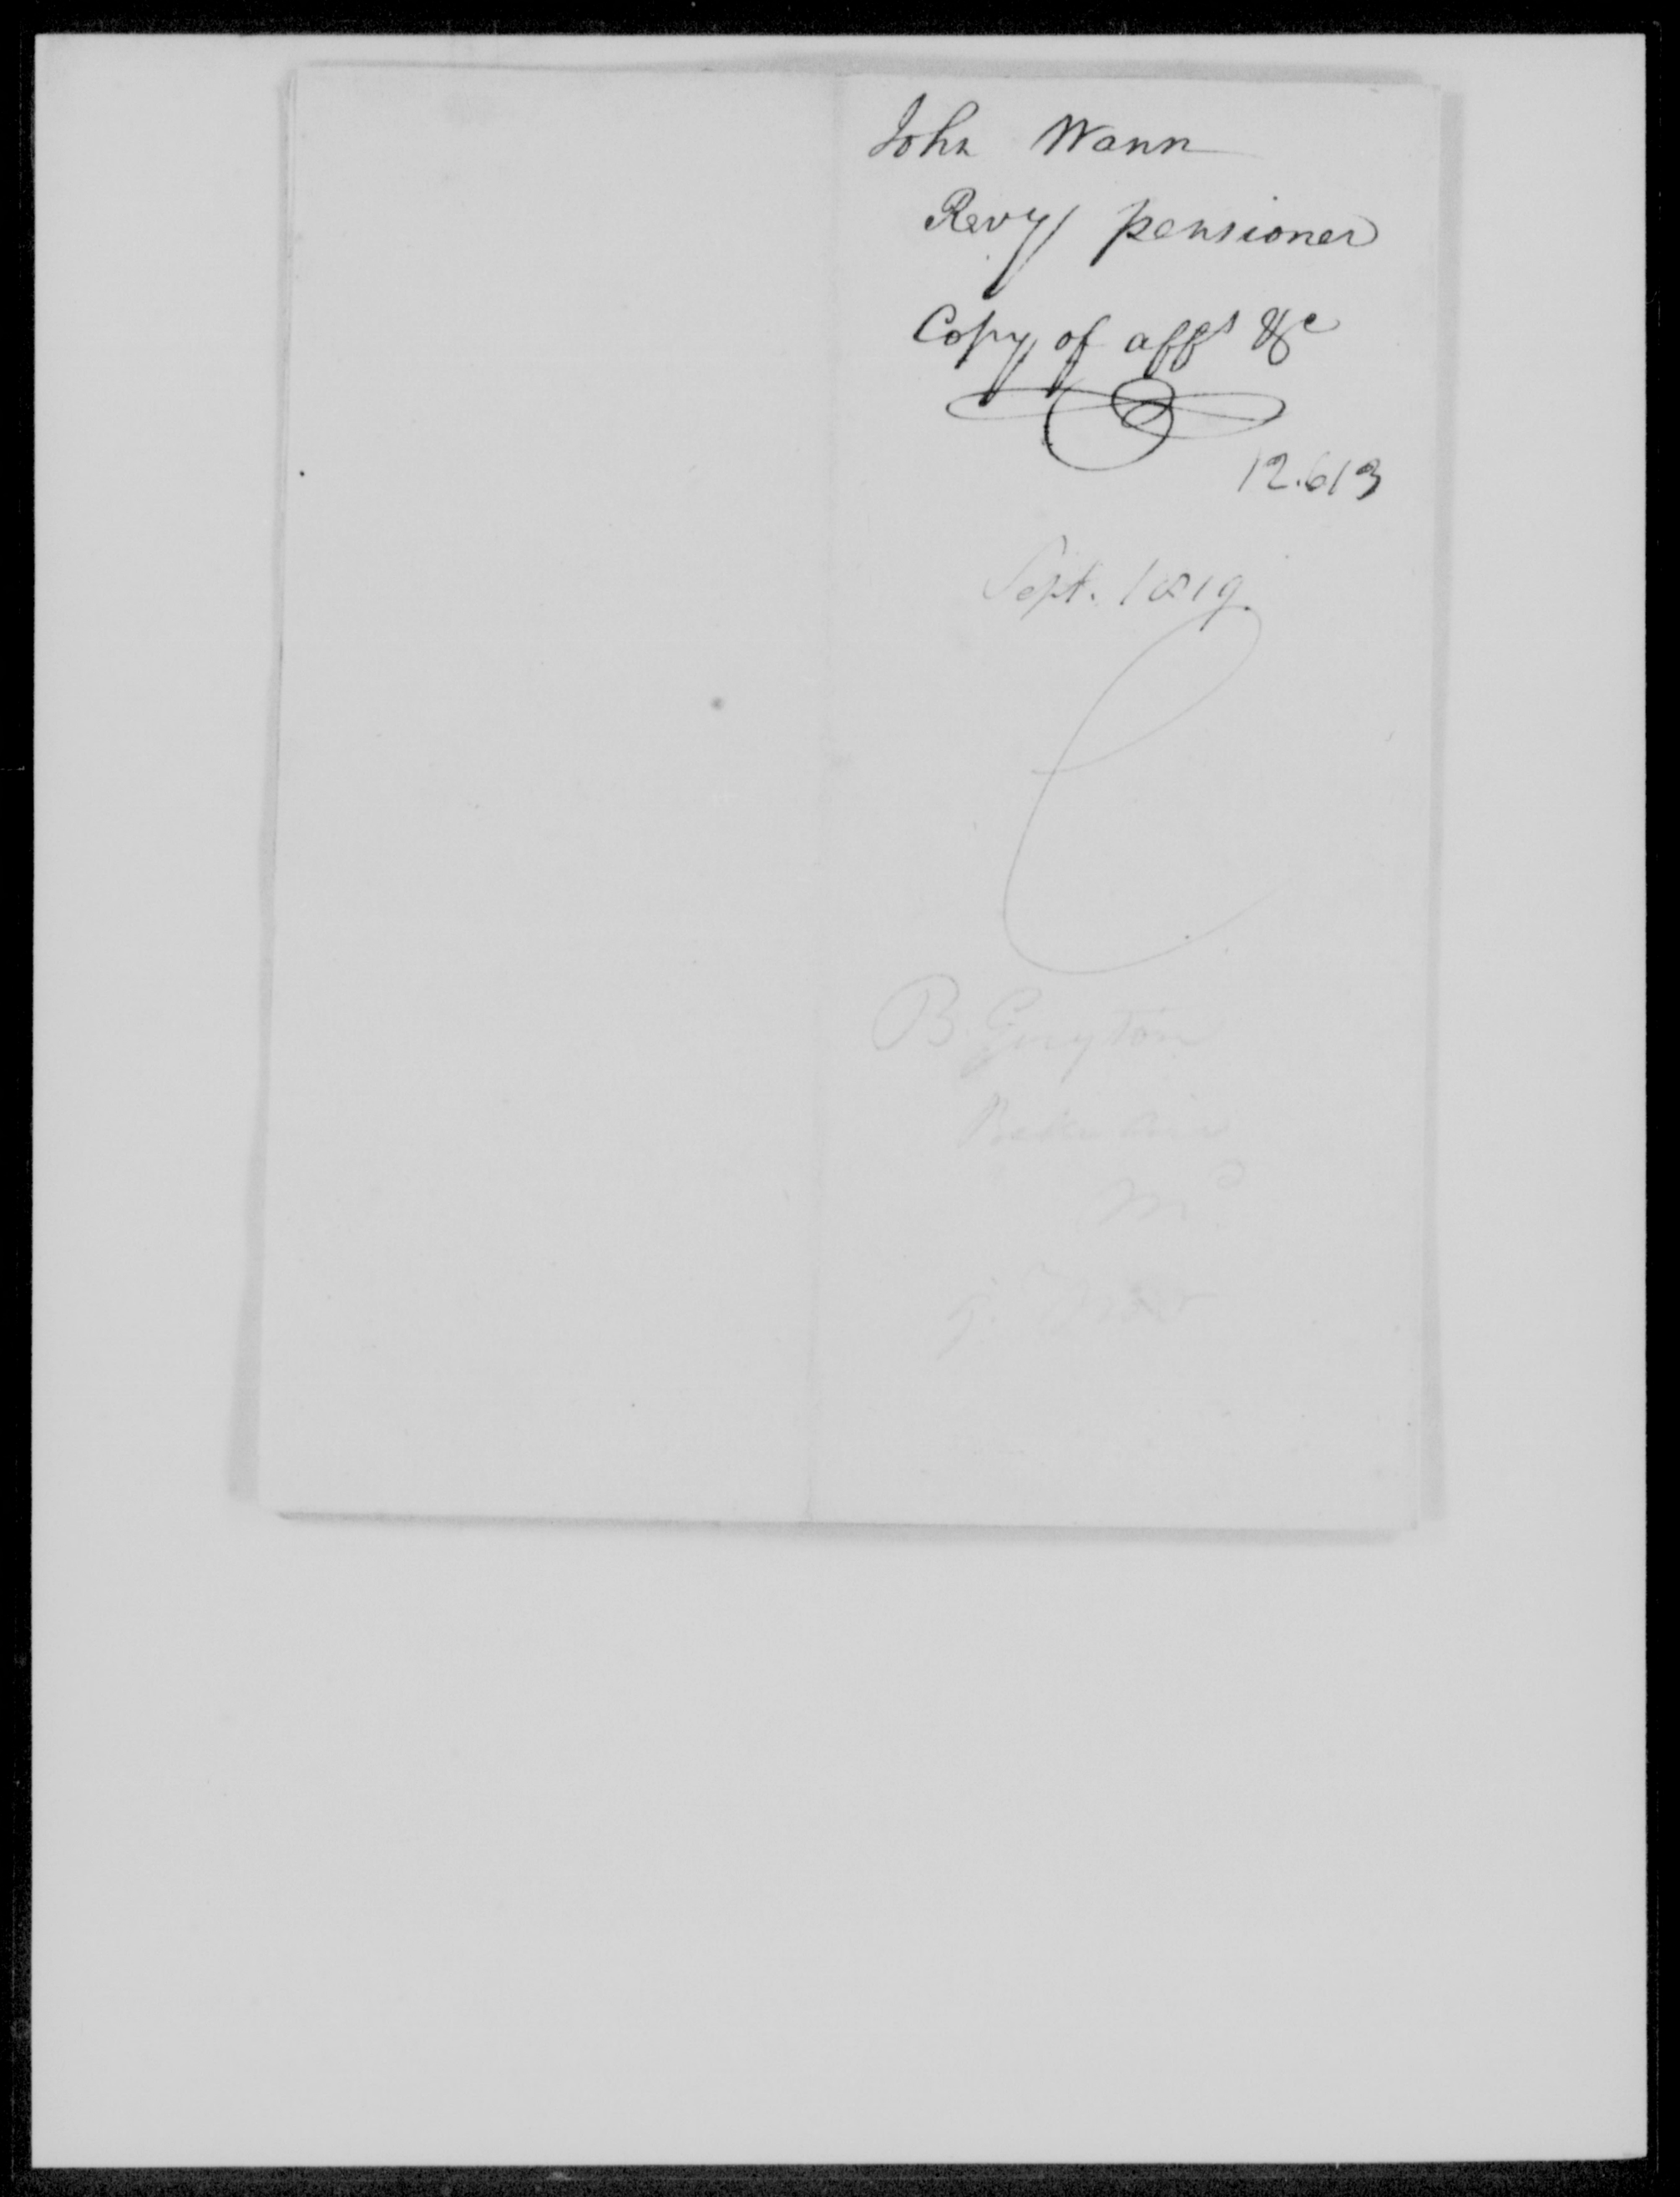John Wann
Revy pensioner
Copy of affs [illegible]
12.613
Sept. 1819. 

C

B Guyton 
[illegible] 
Md
[illegible]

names: B Guyton, John Wann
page: 3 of 38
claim: widow's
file: W. 3899, John Wann, Penn.